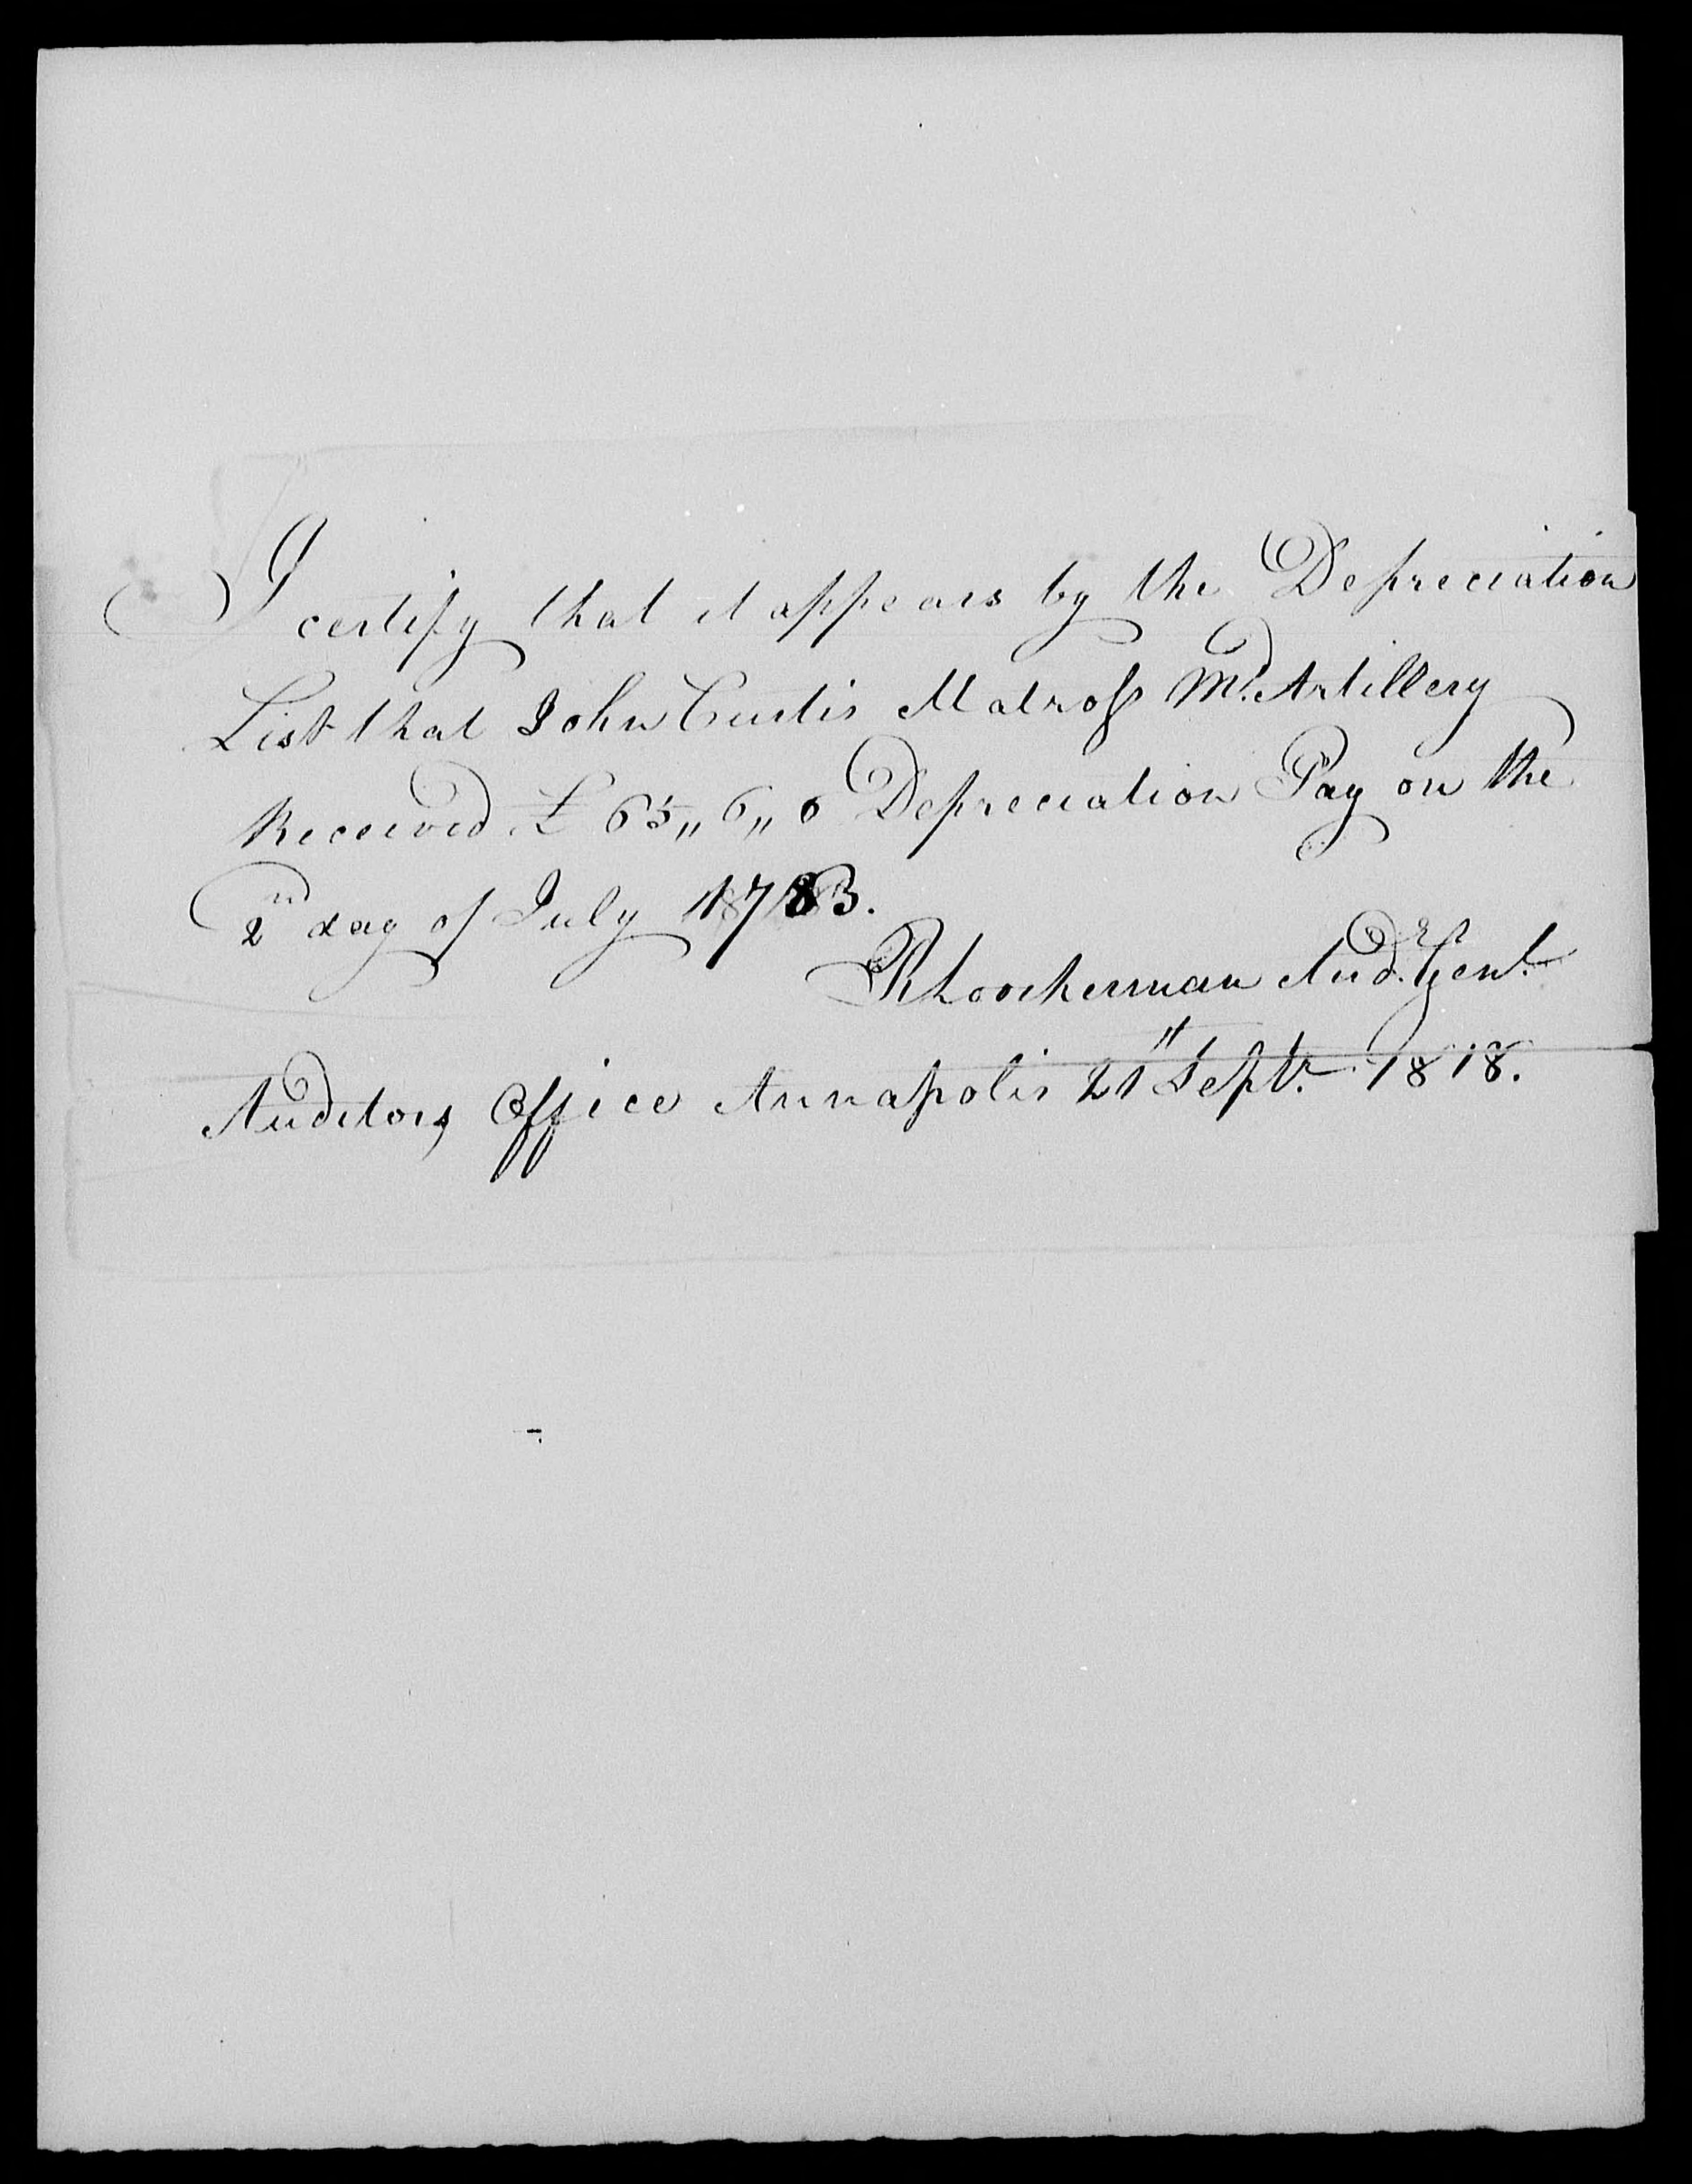I certify that it appears by the Depreciation
List that John Curtis Matross Md. Artillery
Received £ 65,6,6 Depreciation pay on the
2nd day of July 1783
R Loorherman[???] And Genl
Auditors Office Annapolis 21 Sept 1818.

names: John Curtis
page: 9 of 26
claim: survivor's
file: S. 34,725, John Curtis, Md.